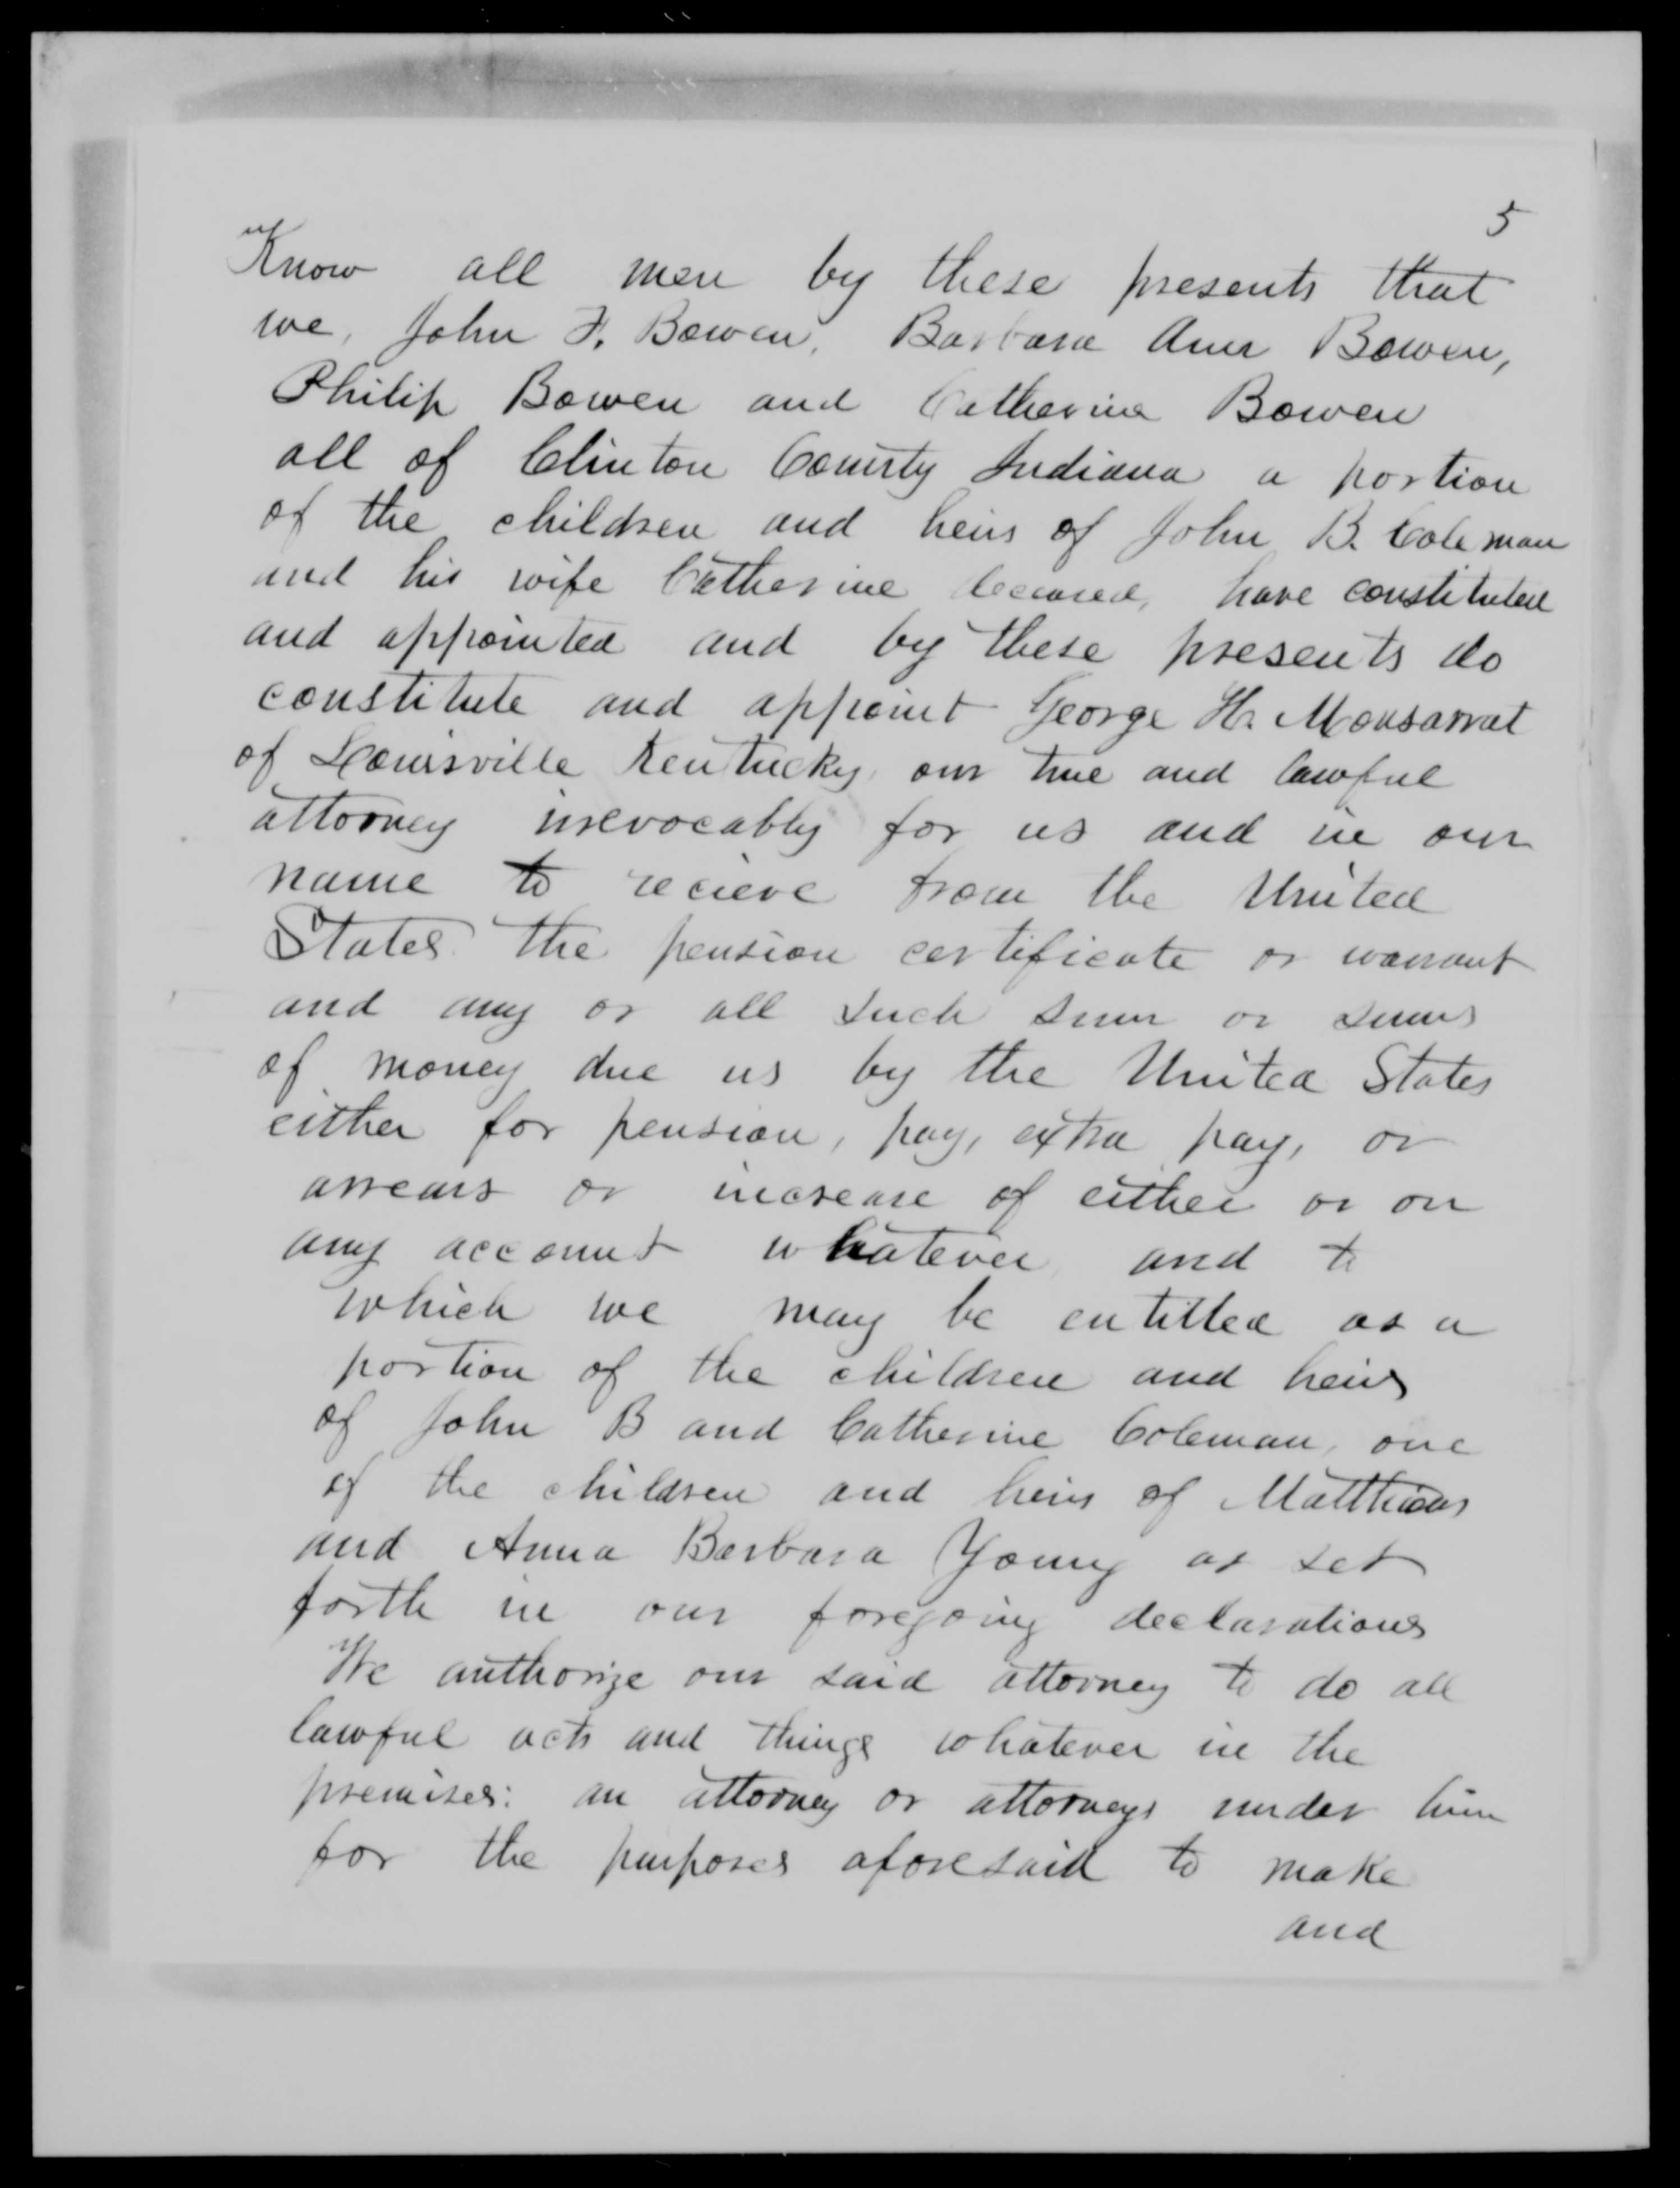5
now all men by these presents that
We, John F. Bowen, Barbara Ann Bowen,
Philip Bowen and Catherine Bowen
all of Clinton County Indiana, a portion
of the children and heirs of John B. Coleman
and his wife Catherine deceased, have constituted
and appointed and by these presents do
constitute and appoint George H. Monsarrat of 
Louisville Kentucky our true and lawful
attorney irrevocably for us and in our
name to receive from the United States
the pension certificate or warrant
and any or all such sum or sums
of money due us by the United States
either for pension, pay, extra pay, or
arrears or increase of either or on
any account whatever and to
which we may be entitled as a
portion of the children and heirs
of John B and Catherine Coleman, one of the
children and heirs of Matthias
and Anna Barbara Young as set
forth in our foregoing declarations.
We authorize our said attorney to do all
lawful acts and things whatever in the
premises: an attorney or attorneys under him
for the purposes aforesaid to make
and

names: Catherine Coleman, Barbara Ann Bowen, John B Coleman, Catherine Bowen, George H Monsarrat, John F Bowen, Matthias Young, Philip Bowen, Anna Barbara Young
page: 120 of 123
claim: rejected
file: R. 11,949, Matthias Young, Md.